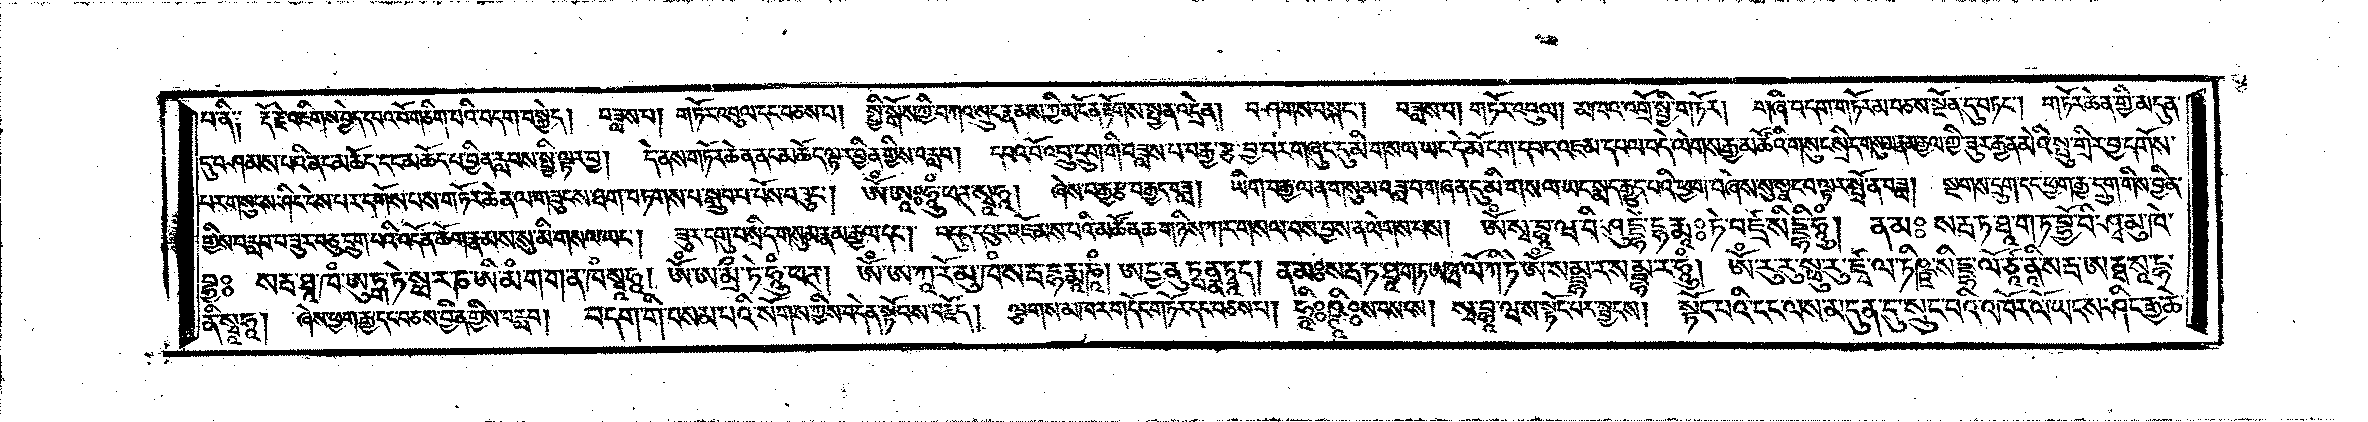པ་ནི༑ རྡོ་རྗེ་འཇིགས་བྱེད་དཔའ་བོ་གཅིག་བའི་བདག་བསྐྱེད། བཟླས་པ། གཏོར་འབུལ་དང་བཅས་པ། སྤྱི་སྒོས་ཀྱི་བཀའ་སྲུང་རྣམས་ཀྱི་མངོན་རྟོགས་སྤྱན་འདྲེན། བཤགས་བསྐང་། བཟླས་པ། གཏོར་འབུལ། མཁའ་འགྲོ་སྤྱི་གཏོར། གཞི་བདག་གཏོར་མ་བཅས་སྔོན་དུ་བཏང་། གཏོར་ཆེན་གྱི་མདུན་
དུ་བཤམས་པའི་ནང་མཆོད་དང་མཆོད་པ་བྱིན་རླབས་སྤྱི་ལྟར་བྱ། དེ་ནས་གཏོར་ཆེན་ནང་མཆོད་ལྟར་བྱིན་གྱིས་བརླབ། དཔའ་བོ་འབྲུ་དྲུག་གི་བཟླས་པ་བརྒྱ་རྩ་བྱ་བར་གཞུང་དུ་མི་གསལ་ཡང་དེ་མོ་ངག་དབང་འཇམ་དཔལ་བདེ་ལེགས་རྒྱ་མཚོའི་གསུང་སྲིད་གསུམ་རྣམ་རྒྱལ་གྱི་ཟུར་རྒྱན་མེའི་སྤུ་གྲིར་བྱ་དགོས་
པར་གསུངས་ཤིང་ངེས་པར་དགོས་པས་གཏོར་ཆེན་ལ་གཟུངས་ཐག་བཏགས་པ་སྒྲུབ་པ་པོས་བཟུང་། ཨོཾ་ཨཱཿཧཱུཾ་ཕཌ་སྭཱཧཱ། ཞེས་བརྒྱ་རྩ་བརྒྱད་བཟླ། ཡིག་བརྒྱ་ལན་གསུམ་བཟླ་བ་གཞན་དུ་མི་གསལ་ཡང་སྨན་རྒྱུད་པའི་ཕྱག་བཞེས་སུ་སྣང་བ་ལྟར་སྤྲོ་ན་བཟླ། སྔགས་དྲུག་དང་ཕྱག་རྒྱ་དྲུག་གིས་བྱིན་
གྱིས་བརླབ་པ་ཟུར་བཅུ་དྲུག་པའི་འདོན་ཆོག་རྣམས་སུ་མི་གསལ་ཡང་། ཟུར་དགུ་པ་སྲིད་གསུམ་རྣམ་རྒྱལ་དང་། བདུད་དཔུང་འཇོམས་པའི་མཚོན་ཆ་གཉིས་ཀར་གསལ་བས་བྱས་ན་ལེགས་པས། ཨོཾ་སྭ་བྷཱ་ཝ་བི་ཤུདྡྷེ་དྷརྨཱཿཏེ་བཛྲ་སིདྡྷི་ཧཱུཾ། ན་མཿ སརྦ་ཏ་ཐཱ་ག་ཏ་བྷྱོ་མི་ཤྭ་མུ་ཁེ་
བྷྱཿ སརྦ་ཐཱ་ཁཾ་ཨུཏྒ་ཏེ་སྥར་ཎ་མི་མཾ་ག་ག་ན་ཁཾ་སྭཱཧཱ། ཨོཾ་ཨ་མྲི་ཏེ་ཧཱུཾ་ཕཌ། ཨོཾ་ཨ་ཀཱ་རོ་མུ་ཁཾ་སརྦ་དྷརྨཱ་ཎཱཾ། ཨདྱ་ནུཏྤནྣ་ཏྭཱད། ན་མཿ སརྦ་ཏ་ཐཱ་ག་ཏ་ཨ་ལྤ་ལོ་ཀི་ཏེ་ཨོཾ་སམྦྷ་ར་སམྦྷ་ར་ཧཱུཾ། ཨོཾ་རུ་རུ་སྥུ་རུ་ཛྭ་ལ་ཏིཥཊཿཨ་སིདྡྷི་ལོ་ཙཱ་ནཱི་སརྦ་ཨརྠ་སཱ་དྷ་
ནི་སྭཱཧཱ། ཞེས་ཕྱག་རྒྱ་དང་བཅས་བྱིན་གྱིས་བརླབ། བདག་གི་བསམ་པའི་སོགས་ཀྱིས་བདེན་སྟོབས་བརྗོད། ལྕགས་མཁར་གདོང་གཏོར་དང་བཅས་པ། ཧྲཱིཿཥྚཱིཿས་བསངས། སྭ་བྷཱ་ཝྶས་སྟོང་པར་སྦྱངས། སྟོང་པའི་ངང་ལས་མདུན་དུ་སྲུང་བའི་འཁོར་ལོ་ཡངས་ཤིང་རྒྱ་ཆེ་